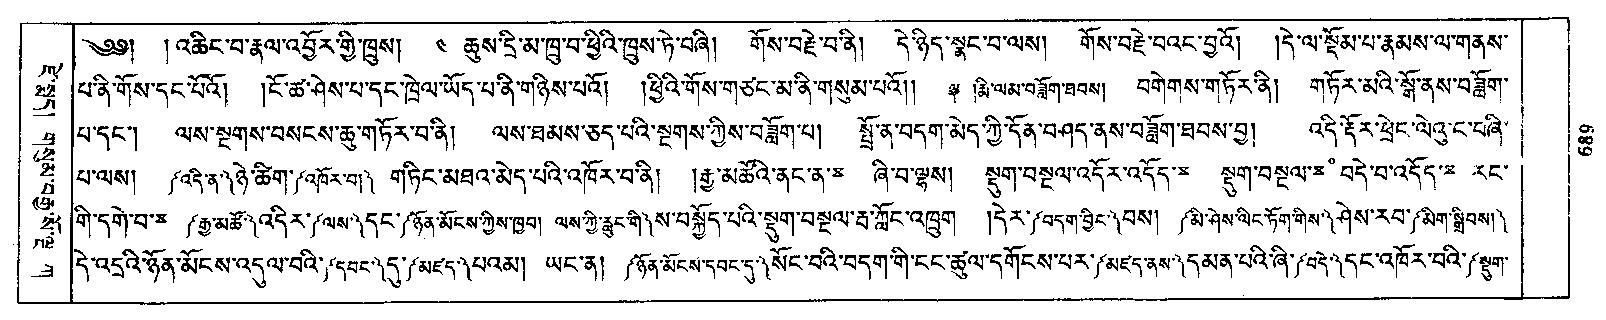༄༅། །འཆིང་བ་རྣལ་འབྱོར་གྱི་ཁྲུས། ༤་ཆུས་དྲི་མ་ཁྲུ་བ་ཕྱིའི་ཁྲུས་ཏེ་བཞི། གོས་བརྗེ་བ་ནི། དེ་ཉིད་སྣང་བ་ལས། གོས་བརྗེ་བའང་བྱའོ། །དེ་ལ་སྡོམ་པ་རྣམས་ལ་གནས་
པ་ནི་གོས་དང་པོའོ། །ངོ་ཚ་ཤེས་པ་དང་ཁྲེལ་ཡོད་པ་ནི་གཉིས་པའོ། །ཕྱིའི་གོས་གཙང་མ་ནི་གསུམ་པའོ།། ༈ །རྨི་ལམ་བཟློག་ཐབས། བགེགས་གཏོར་ནི། གཏོར་མའི་སྒོ་ནས་བཟློག་
པ་དང་། ལས་སྔགས་བསངས་ཆུ་གཏོར་བ་ནི། ལས་ཐམས་ཅད་པའི་སྔགས་ཀྱིས་བཟློག་པ། སྤྲོ་ན་བདག་མེད་ཀྱི་དོན་བཤད་ནས་བཟློག་ཐབས་བྱ། འདི་རྡོར་ཕྲེང་ལེའུ་ང་བཞི་
པ་ལས། ༼འདི་ན྄་ཉེ་ཚིག་༽འཁོར་བ།?་གཏིང་མཐའ་མེད་པའི་འཁོར་བ་ནི། །རྒྱ་མཚོའི་ནང་ན་྾་ཞི་བ་ལྷས། སྡུག་བསྔལ་འདོར་འདོད་྾་སྡུག་བསྔལ་྾་བདེ་བ་འདོད་྾་རང་
གི་དགེ་བ་྾ ༼རྒྱ་མཚ྄ོ་འདིར་༽ལས྄་དང ༼ཉོན་མོངས་ཀྱིས་ཁྱབ། ལས་ཀྱི་རླུང་ག྄ི་ས་བསྐྱོད་པའི་སྡུག་བསྔལ་རྦ་ཀློང་འཁྲུག །དེར་༽བདག་བྱིང྄་བས། ༼མི་ཤེས་ལིང་ཏོག་གིས྄་ཤེས་རབ་༽མིག་སྒྲིབས།?
དེ་འདྲའི་ཉོན་མོངས་འདུལ་བའི ༼དབང྄་དུ་༽མཛད྄་པའམ། ཡང་ན། ༼ཉོན་མོངས་དབང་ད྄ུ་སོང་བའི་བདག་གི་ངང་ཚུལ་དགོངས་པར་༽མཛད་ནས྄་དམན་པའི་ཞི ༼བད྄ེ་དང་འཁོར་བའི་༽སྡུག་